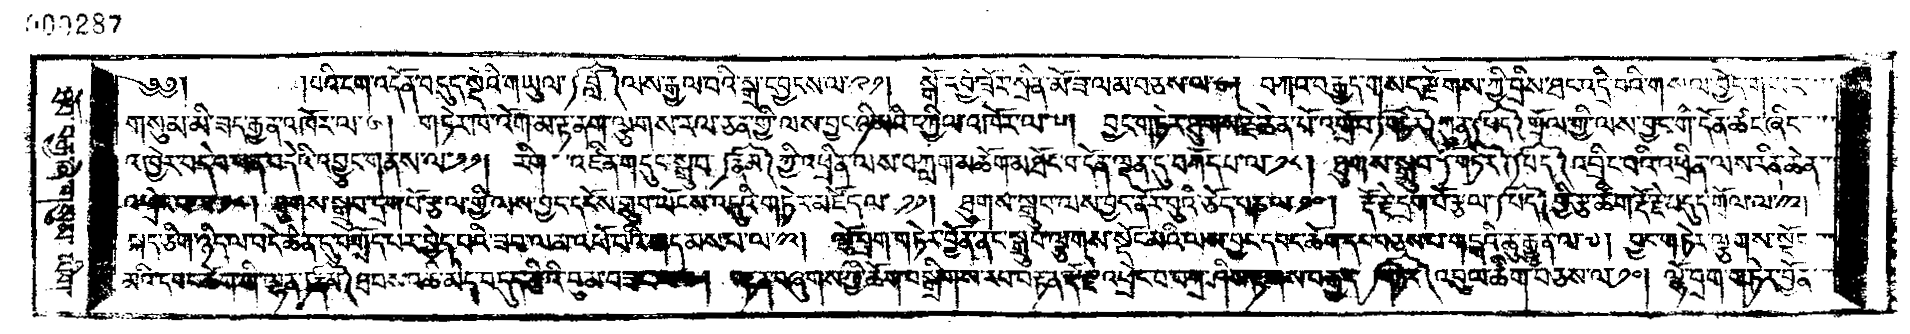༄༅། །པའི་ངག་འདོན་བདུད་སྡེའི་གཡུལ ༼བློ༽ ལས་རྒྱལ་བའི་སྒྲ་དབྱངས་ལ ༩༡། སྒོ་དབྱེ་ཟོར་སྲིན་མོ་ཟ་ལམ་བཅས་ལ ༦། བཀའ་བརྒྱད་གསང་རྫོགས་ཀྱི་བྲིས་ཐང་འདྲི་བའི་གསལ་བྱེད་གསང་
གསུམ་མི་ཟད་རྒྱན་འཁོར་ལ ༦། གཏེར་ཁ་འོག་མ་རྟ་ནག་ལྕགས་རལ་ཅན་གྱི་ལས་བྱང་ཉི་མའི་དཀྱིལ་འཁོར་ལ ༥། བྱང་གཏེར་ཐུགས་རྗེ་ཆེན་པོ་འགྲོ་བ ༼གཏེར༽ ཀུན ༼པད༽ གྲོལ་གྱི་ལས་བྱང་གི་དོན་ཚང་ཞིང་
འཁྱེར་བདེ་བ་ཕན་བདེའི་འབྱུང་གནས་ལ ༡༡། རིག་འཛིན་གདུང་སྒྲུབ ༼རྣམ༽ ཀྱི་འཕྲིན་ལས་བཀླག་མཆོག་མཐོང་བ་དོན་ལྡན་དུ་བཀོད་པ་ལ ༡༨། ཐུགས་སྒྲུབ ༼གཏེར༽ ༼པད༽ འབྲིང་བའི་འཕྲིན་ལས་རིན་ཆེན་
འཕྲེང་བ་ལ ༡༨། ཐུགས་སྒྲུབ་དྲག་པོ་རྩལ་གྱི་ལས་བྱང་དངོས་གྲུབ་ཡོངས་འདུའི་གཏེར་མཛོད་ལ ༡༡། ཐུགས་སྒྲུབ་ལས་བྱང་ནོར་བུའི་ཅོད་པཎ་ལ ༡༠། རྡོ་རྗེ་དྲག་པོ་རྩལ ༼པད༽ གྱི་རྩ་ཚིག་རྡོ་རྗེ་བདུད་གྲོལ་ལ ༣།
སྐད་ཅིག་ཉིད་ལ་བདེ་ཆེན་དུ་བགྲོད་པར་བྱེད་པའི་ཟབ་ལམ་འཕོ་བའི་གདམས་པ་ལ ༣། ལྷོ་བྲག་གཏེར་བྱོན་ནང་སྒྲུབ་ལྕགས་སྡོང་མའི་ལས་བྱང་དབང་ཆོག་དང་བཅས་པ་གངྒའི་ཆུ་རྒྱུན་ལ ༧། བྱང་གཏེར་ལྕགས་སྡོང་
མའི་དབང་ཆོག་གི་ལྷན ༼རྣམ༽ ཐབས་འཆི་མེད་བདུད་རྩིའི་བུམ་བཟང་ལ ༦། བརྟན་བཞུགས་ཀྱི་ཆོག་བསྒྲིགས་རབ་བརྟན་རྡོ་རྗེ་འཕྲེང་བ་བཀྲ་ཤིས་རྟགས་བརྒྱད ༼གཏེར༽ འབུལ་ཚིག་བཅས་ལ ༡༠། ལྷོ་བྲག་གཏེར་བྱོན་